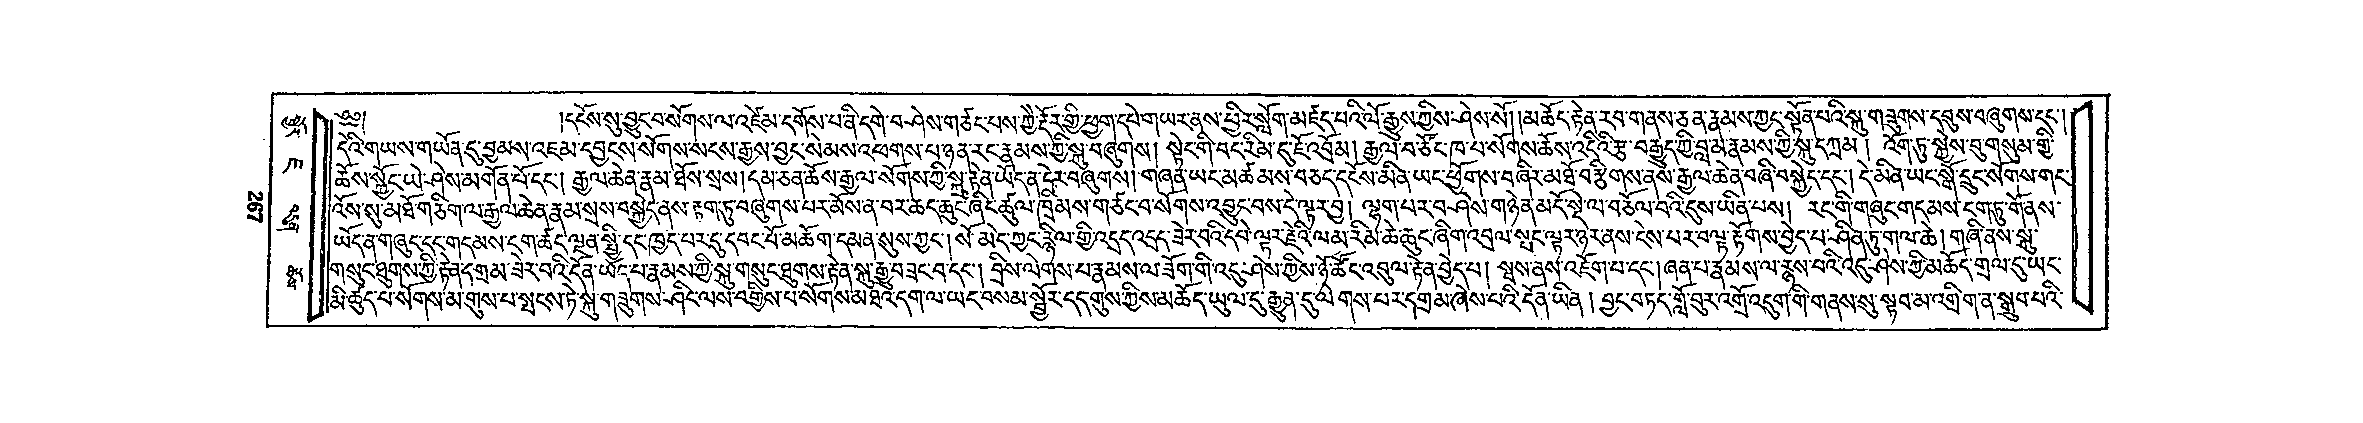༄༅། །དངོས་སུ་བྱུང་བ་སོགས་ལ་འཛེམ་དགོས་པ་ནི་དགེ་བཤེས་གཙང་པས་ཀྱཻ་རྡོར་གྱི་ཕྱག་དཔེ་གཡར་ནས་ཕྱིར་སློག་མཛད་པའི་ལོ་རྒྱུས་ཀྱིས་ཤེས་སོ། །མཆོད་རྟེན་རབ་གནས་ཅན་རྣམས་ཀྱང་སྟོན་པའི་སྐུ་གཟུགས་དབུས་བཞུགས་དང་། །
དེའི་གཡས་གཡོན་དུ་བྱམས་འཇམ་དབྱངས་སོགས་སངས་རྒྱས་བྱང་སེམས་འཕགས་པ་ཉན་རང་རྣམས་ཀྱི་སྐུ་བཞུགས། སྟེང་གི་བང་རིམ་དུ་ཇོ་འབྲོམ། རྒྱལ་བ་ཙོང་ཁ་པ་སོགས་ཆོས་འདིའི་རྩ་བརྒྱུད་ཀྱི་བླ་མ་རྣམས་ཀྱི་སྐུ་དཀྲམ། འོག་ཏུ་སྐྱེས་བུ་གསུམ་གྱི་
ཆོས་སྐྱོང་ཡེ་ཤེས་མགོན་པོ་དང་། རྒྱལ་ཆེན་རྣམ་ཐོས་སྲས། དམ་ཅན་ཆོས་རྒྱལ་སོགས་ཀྱི་སྐུ་རྟེན་ཡོད་ན་དེར་བཞུགས། གཞན་ཡང་མཚམས་བཅད་དངོས་མིན་ཡང་ཕྱོགས་བཞིར་མཐོ་བརྩིགས་ནས་རྒྱལ་ཆེན་བཞི་བསྐྱེད་དང་། དེ་མིན་ཡང་སྒོ་དྲུང་སོགས་གང་
འོས་སུ་མཐོ་གཅིག་ལ་རྒྱལ་ཆེན་རྣམ་སྲས་བསྐྱེད་ནས་རྟག་ཏུ་བཞུགས་པར་མོས་ན་བར་ཆད་ཆུང་ཞིང་ཚུལ་ཁྲིམས་གཙང་བ་སོགས་འབྱུང་བས་དེ་ལྟར་བྱ། ལྷག་པར་བཤེས་གཉེན་མདོ་སྡེ་ལ་བཅོལ་བའི་དུས་ཡིན་པས། རང་གི་གཞུང་གདམས་ངག་ཏུ་གོ་ནས་
ཡོད་ན་གཞུང་དང་གདམས་ངག་ཚད་ལྡན་སྤྱི་དང་ཁྱད་པར་དུ་དབང་པོ་མཆོག་དམན་སུས་ཀྱང་། སོ་མེད་ཀྱང་རྙིལ་གྱི་འདྲད་འདྲད་ཟེར་བའི་དཔེ་ལྟར་རྗེའི་ལམ་རིམ་ཆེ་ཆུང་ཞིག་འབྲལ་སྤང་ལྟར་ཉེར་ནས་ངེས་པར་བལྟ་རྟོགས་བྱེད་པ་ཤིན་ཏུ་གལ་ཆེ། གཞི་ནས་སྐུ་
གསུང་ཐུགས་ཀྱི་རྟེན་དགྲམ་ཟེར་བའི་དོན་ཡོད་པ་རྣམས་ཀྱི་སྐུ་གསུང་ཐུགས་རྟེན་སྐུ་རྒྱུ་བཟང་བ་དང་། བྲིས་ལེགས་པ་རྣམས་ལ་ཟོག་གི་འདུ་ཤེས་ཀྱིས་ཉོ་ཚོང་འབུལ་རྟེན་བྱེད་པ། སྦས་ནས་འཇོག་པ་དང་། ཞན་པ་རྣམས་ལ་རྙས་པའི་འདུ་ཤེས་ཀྱི་མཆོད་གྲལ་དུ་ཡང་
མི་ཚུད་པ་སོགས་མ་གུས་པ་སྤངས་ཏེ་སྐུ་གཟུགས་ཤིང་ལས་བགྱིས་པ་སོགས་མཐའ་དག་ལ་ཡང་བསམ་སྦྱོར་དད་གུས་ཀྱིས་མཆོད་ཡུལ་དུ་རྒྱུན་དུ་ལེགས་པར་དགྲམ་ཞེས་པའི་དོན་ཡིན། བྱང་བཏད་གློ་བུར་འགྲོ་འདུག་གི་གནས་སུ་སྟབ་མ་འགྲིག་ན་སྒྲུབ་པའི་